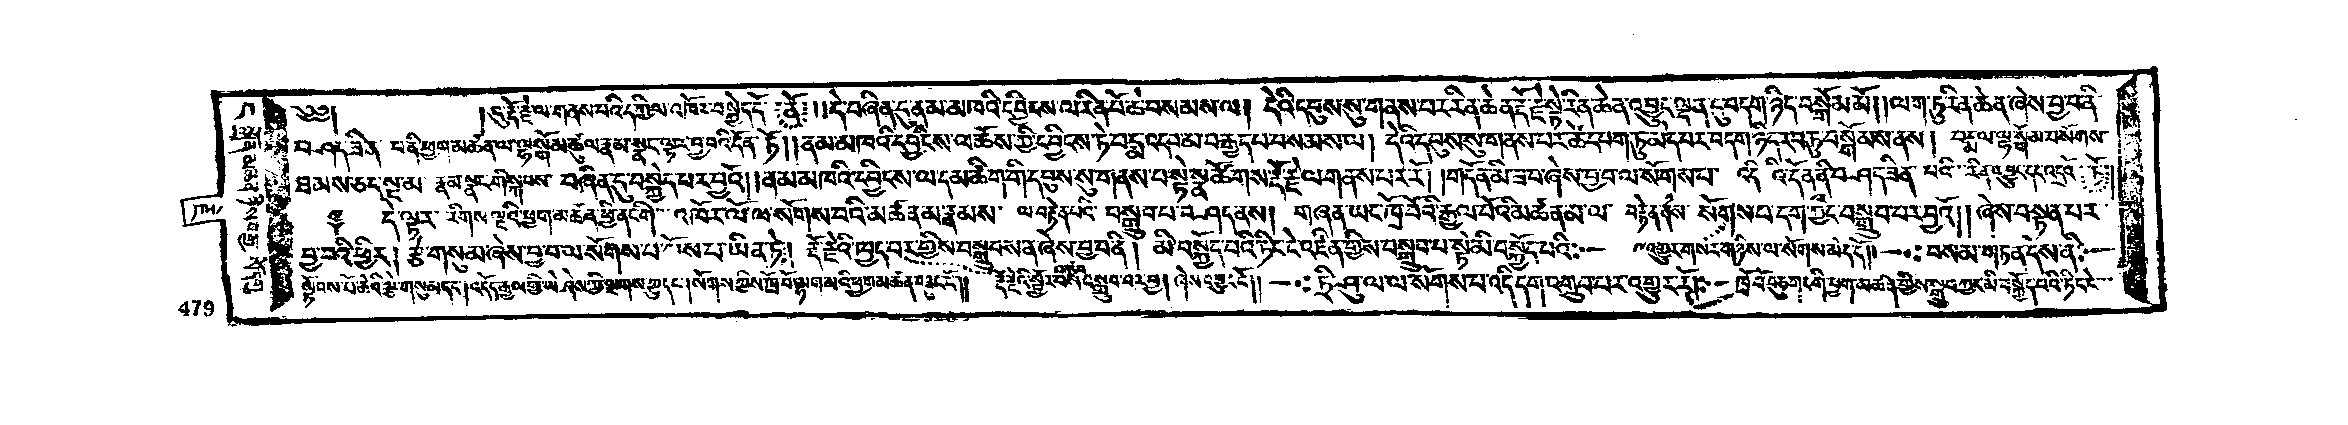༄༅། ། དུ་རྡོ་རྗེ་ལ་གནས་པའི་དཀྱིལ་འཁོར་བསྐྱེད་དོ་ནོ། །དེ་བཞིན་དུ་ནམ་མཁའི་དབྱིངས་ལ་རིན་པོ་ཆེ་བསམས་ལ། དེའི་དབུས་སུ་གནས་པར་རིན་ཆེན་རྡོ་རྗེ་སྟེ་རིན་ཆེན་འབྱུང་ལྡན་དུ་བདག་ཉིད་བསྒོམ་མོ། །ལག་ཏུ་རིན་ཆེན་ཞེས་བྱ་བ་ནི་
བཤད་ཟིན་པ་ནི་ཕྱག་མཚན་ལ་ལྷ་སྒོམ་ཚུལ་རྣམ་སྣང་ལྟར་བྱ་བའི་དོན་ཏོ། །ནམ་མཁའི་དབྱིངས་ལ་ཆོས་ཀྱི་དབྱིངས་ཏེ་པདམ་འདབ་མ་བརྒྱད་པ་བསམས་ལ། དེའི་དབུས་སུ་གནས་པར་ཚེ་དཔག་ཏུ་མེད་པར་བདག་ཉིད་རབ་ཏུ་བསྒོམས་ནས། པདམ་ལ་ལྷ་སྒོམ་པ་སོགས
ཐམས་ཅད་སྔ་མ་རྣམ་སྣང་གི་སྐབས་བཞིན་དུ་བསྐྱེད་པར་བྱའོ། །ནམ་མཁའི་དབྱིངས་ལ་དམ་ཚིག་གི་དབུས་སུ་གནས་པ་སྟེ་སྣ་ཚོགས་རྡོ་རྗེ་ལ་གནས་པར་རོ། །གདོན་མི་ཟབ་ཞེས་བྱ་བ་ལ་སོགས་པ་འདིའི་དོན་ནི་བཤད་ཟིན་པའི་རིན་འབྱུང་དང་འདྲའོ་ཏོ།
༈ དེ་ལྟར་རིགས་ལྔའི་ཕྱག་མཚན་ཕྱི་ནང་གི་འཁོར་ལོ་ལ་སོགས་པའི་མཚན་མ་རྣམས་ལ་བརྟེན་པའི་བསྒྲུབ་པ་བཤད་ནས། གཞན་ཡང་ཁྲོ་བོའི་རྒྱལ་པོའི་མཚན་མ་ལ་བརྟེན་ནས་སོགས་པ་དག་ཀྱང་བསྒྲུབ་པར་བྱའོ། །ཞེས་བསྟན་པར་
བྱ་བའི་ཕྱིར། རྩེ་གསུམ་ཞེས་བྱ་བ་ལ་སོགས་པ་སྨོས་པ་ཡིན་ཏེ། རྡོ་རྗེའི་ཁྱད་པར་གྱིས་བསྒྲུབས་ན་ཞེས་བྱ་བ་ནི། མི་བསྐྱོད་པའི་ཏིང་ངེ་འཛིན་གྱིས་བསྒྲུབ་པ་སྟེ་མི་བསྐྱོད་པའིཿ་༧འགྱུར་གསར་གཉིས་ལ་སོགས་མེད་དོ།།.H བསམ་གཏན་དེས་ནིཿ
སྟོབས་པོ་ཆེའི་རྩེ་གསུམ་དང་། འདོད་རྒྱལ་གྱི་ཡེ་ཤེས་ཀྱི་ལྕགས་ཀྱུ་དང་། སོགས་ཀྱིས་ཁྲོ་བོ་ལྷག་མའི་ཕྱག་མཚན་བཟུང་ངོ།། ༧་རྡོ་རྗེའི་སྦྱོར་པ་ཚབ་བས་བསྒྲུབ་པར་བྱ། ཞེས་འབྱུང་ངོ།། .H ཏྲི་ཤུ་ལ་ལ་སོགས་པ་འདི་དག་འགྲུབ་པར་འགྱུར་རོ། H.་ཁྲོ་བོ་བཅུ་གང་གི་ཕྱག་མཚན་གྱིས་སྒྲུབ་ཀྱང་མི་བསྐྱོད་པའི་ཏིང་ངེ་